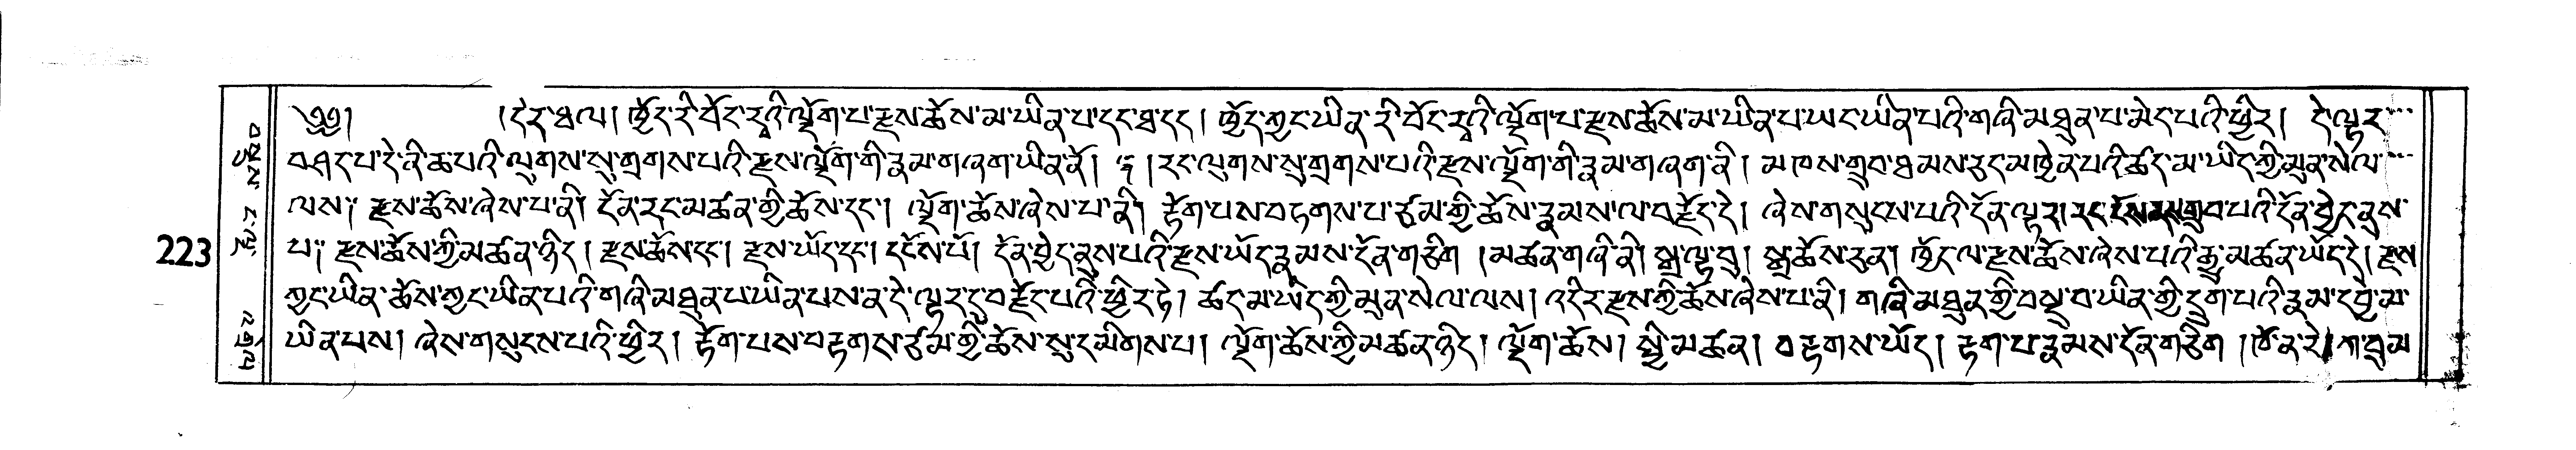༄༅། །དེར་ཐལ། ཁྱོད་རི་བོང་རྭཱི་ལྡོག་པ་རྫས་ཆོས་མ་ཡིན་པ་དང་ཐ་དད། ཁྱོད་ཀྱང་ཡིན་རི་བོང་རྭཱི་ལྡོག་པ་རྫས་ཆོས་མ་ཡིན་པ་ཡང་ཡིན་པའི་གཞི་མཐུན་པ་མེད་པའི་ཕྱིར། དེ་ལྟར་
བཤད་པ་དེ་ནི་ཆ་པའི་ལུགས་སུ་གྲགས་པའི་རྫས་ལྡོག་གི་རྣམ་གཞག་ཡིན་ནོ། ༈ །རང་ལུགས་སུ་གྲགས་པའི་རྫས་ལྡོག་གི་རྣམ་གཞག་ནི། མཁས་གྲུབ་ཐམས་ཅད་མཁྱེན་པའི་ཚད་མ་ཡིན་ཀྱི་མུན་སེལ་
ལས༑ རྫས་ཆོས་ཞེས་པ་ནི། དོན་རང་མཚན་གྱི་ཆོས་དང་། ལྡོག་ཆོས་ཞེས་པ་ནི། རྟོག་པས་བཏགས་པ་ཙམ་གྱི་ཆོས་རྣམས་ལ་བརྗོད་དེ། ཞེས་གསུངས་པའི་དོན་ལྟར། རང་ངོས་ནས་གྲུབ་པའི་དོན་བྱེད་ནུས་
པ༑ རྫས་ཆོས་ཀྱི་མཚན་ཉིད། རྫས་ཆོས་དང་། རྫས་ཡོད་དང་། དངོས་པོ། དོན་བྱེད་ནུས་པའི་རྫས་ཡོད་རྣམས་དོན་གཅིག །མཚན་གཞི་ནི། སྒྲ་ལྟ་བུ། སྒྲ་ཆོས་ཅན། ཁྱོད་ལ་རྫས་ཆོས་ཞེས་པའི་རྒྱུ་མཚན་ཡོད་དེ། རྫས་
ཀྱང་ཡིན་ཆོས་ཀྱང་ཡིན་པའི་གཞི་མཐུན་པ་ཡིན་པས་ན་དེ་ལྟར་དུ་བརྗོད་པའི་ཕྱིར་ཏེ། ཚད་མ་ཡིད་ཀྱི་མུན་སེལ་ལས། འདིར་རྫས་ཀྱི་ཆོས་ཞེས་པ་ནི། གཞི་མཐུན་གྱི་བསྡུ་བ་ཡིན་གྱི་དྲུག་པའི་རྣམ་དབྱེ་མ་
ཡིན་པས། ཞེས་གསུངས་པའི་ཕྱིར། རྟོག་པས་བརྟགས་ཙམ་གྱི་ཆོས་སུ་དམིགས་པ། ལྡོག་ཆོས་ཀྱི་མཚན་ཉིད། ལྡོག་ཆོས། སྤྱི་མཚན། བརྟགས་ཡོད། རྟག་པ་རྣམས་དོན་གཅིག །ཁོ་ན་རེ། ཀ་བུམ་